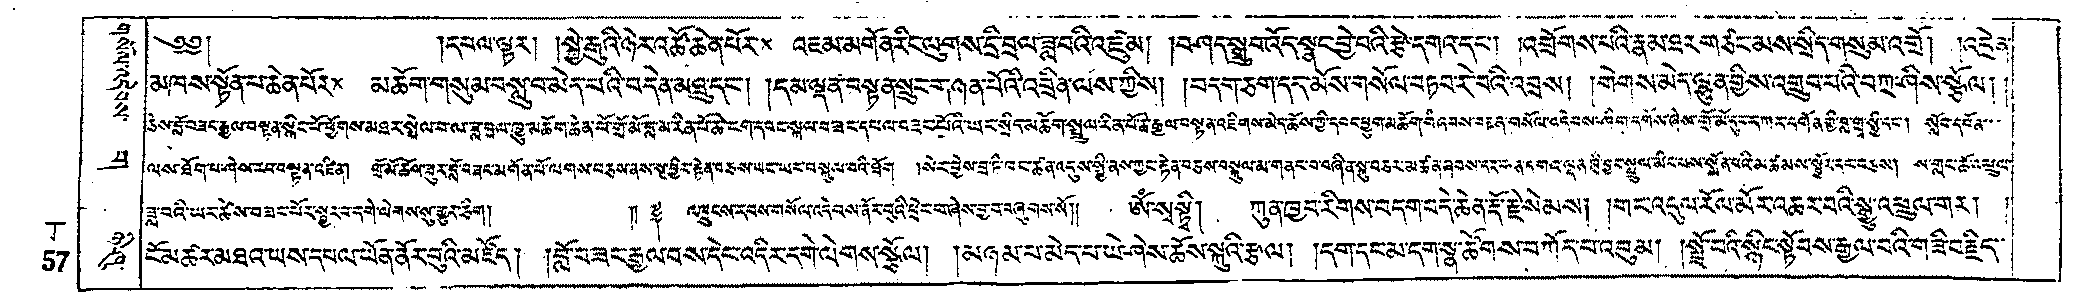༄༅། །དཔལ་ལྟར། །སྐྱེ་རྒུའི་ཉེར་འཚོ་ཆེན་པོར་྾་འཇམ་མགོན་རིང་ལུགས་དྲི་བྲལ་ཟླ་བའི་འཛུམ། །བཤད་སྒྲུབ་འོད་སྣང་བྱེ་བའི་རྩེ་དགའ་དང་། །འགྲོགས་པའི་རྣམ་ཐར་གཙང་མས་སྲིད་གསུམ་འགྲོ། །འདྲེན་
མཁས་སྟོན་པ་ཆེན་པོར་྾་མཆོག་གསུམ་བསླུ་བ་མེད་པའི་བདེན་མཐུ་དང་། །དམ་ལྡན་བསྟན་སྲུང་གཉན་པོའི་འཕྲོན་ལས་ཀྱིས། །བདག་ཅག་དད་མོས་གསོལ་བཏབ་རེ་བའི་འབྲས། །གེགས་མེད་ལྷུན་གྱིས་འགྲུབ་པའི་བཀྲ་ཤིས་སྩོལ། །
ཅེས་བློ་བཟང་རྒྱལ་བསྟན་སྙིང་པོ་ཕྱོགས་མཐར་སྤེལ་བ་ལ་ཟླ་བྲལ་ཁྱུ་མཆོག་ཆེན་པོ་གྲོ་མོ་བླ་མ་རིན་པོ་ཆེ་ངག་དབང་སྐལ་བཟང་དཔལ་བཟང་པོའི་ཡང་སྲིད་མཆོག་སྤྲུལ་རིན་པོ་ཆེ་རྒྱལ་བསྟན་འཇིགས་མེད་ཆོས་ཀྱི་དབང་ཕྱུག་མཆོག་གི་ཞབས་བརྟན་གསོལ་འདེབས་ཤིག་དགོས་ཞེས་གྲོ་མོ་དུང་དཀར་དགོས་གྱི་བླ་གྲྭ་སྤྱི་དང་། སློབ་དཔོན་་་
ལས་ཐོག་པ་ཤེས་རབ་བསྟན་འཛིན། གྲོ་མོ་ཆོས་ཟུར་བློ་བཟང་མགོན་པོ་ལགས་བཅས་ནས་སྔ་ཕྱིར་རྟེན་བཅས་ཡང་ཡང་བསྐུལ་བའི་ཐོག །སེར་བྱེས་བྲ་ཏི་ཁང་ཚན་འདུས་སྤྱི་ནས་ཀྱང་རྟེན་བཅས་བསྐུལ་མ་གནང་བ་བཞིན་སྐུ་བཅར་མཚན་ཞབས་ད་ར་ཧན་དགའ་ལྡན་ཁྲི་བྱང་སྤྲུལ་མིང་པས་སྨོན་པའི་མཚམས་སྦྱོར་དང་བཅས། ས་གླང་ཆོ་འཕྲུལ་
ཟླ་བའི་ཡར་ཚེས་བཟང་པོར་སྦྱར་བ་དགེ་ལེགས་སུ་གྱུར་ཅིག། །། འ་འཁྲུངས་རབས་གསོལ་འདེབས་ནོར་བུའི་ཕྲེང་བ་ཞེས་བྱ་བ་བཞུགས་སོ།། ཨོཾ་སྭསྟྭི། ཀུན་ཁྱབ་རིགས་བདག་བདེ་ཆེན་རྡོ་རྗེ་སེམས། །གང་འདུལ་རོལ་མོར་འཆར་བའི་སྒྱུར་འཕྲུལ་གར། །
ངོ་མཚར་མཐའ་ཡས་དཔལ་ཡོན་ནོར་བུའི་མཛོད། །བློ་བཟང་རྒྱལ་བས་དེང་འདིར་དགེ་ལེགས་སྩོལ། །མཉམ་པ་མེད་པ་ཡེ་ཤེས་ཆོས་སྐུའི་རྩལ། །དག་དང་མ་དག་སྣ་ཚོགས་བཀོད་པ་འབུམ། །སྤྲོ་བའི་སྙིང་སྟོབས་རྒྱལ་བའི་གཟི་བརྗིད་་་